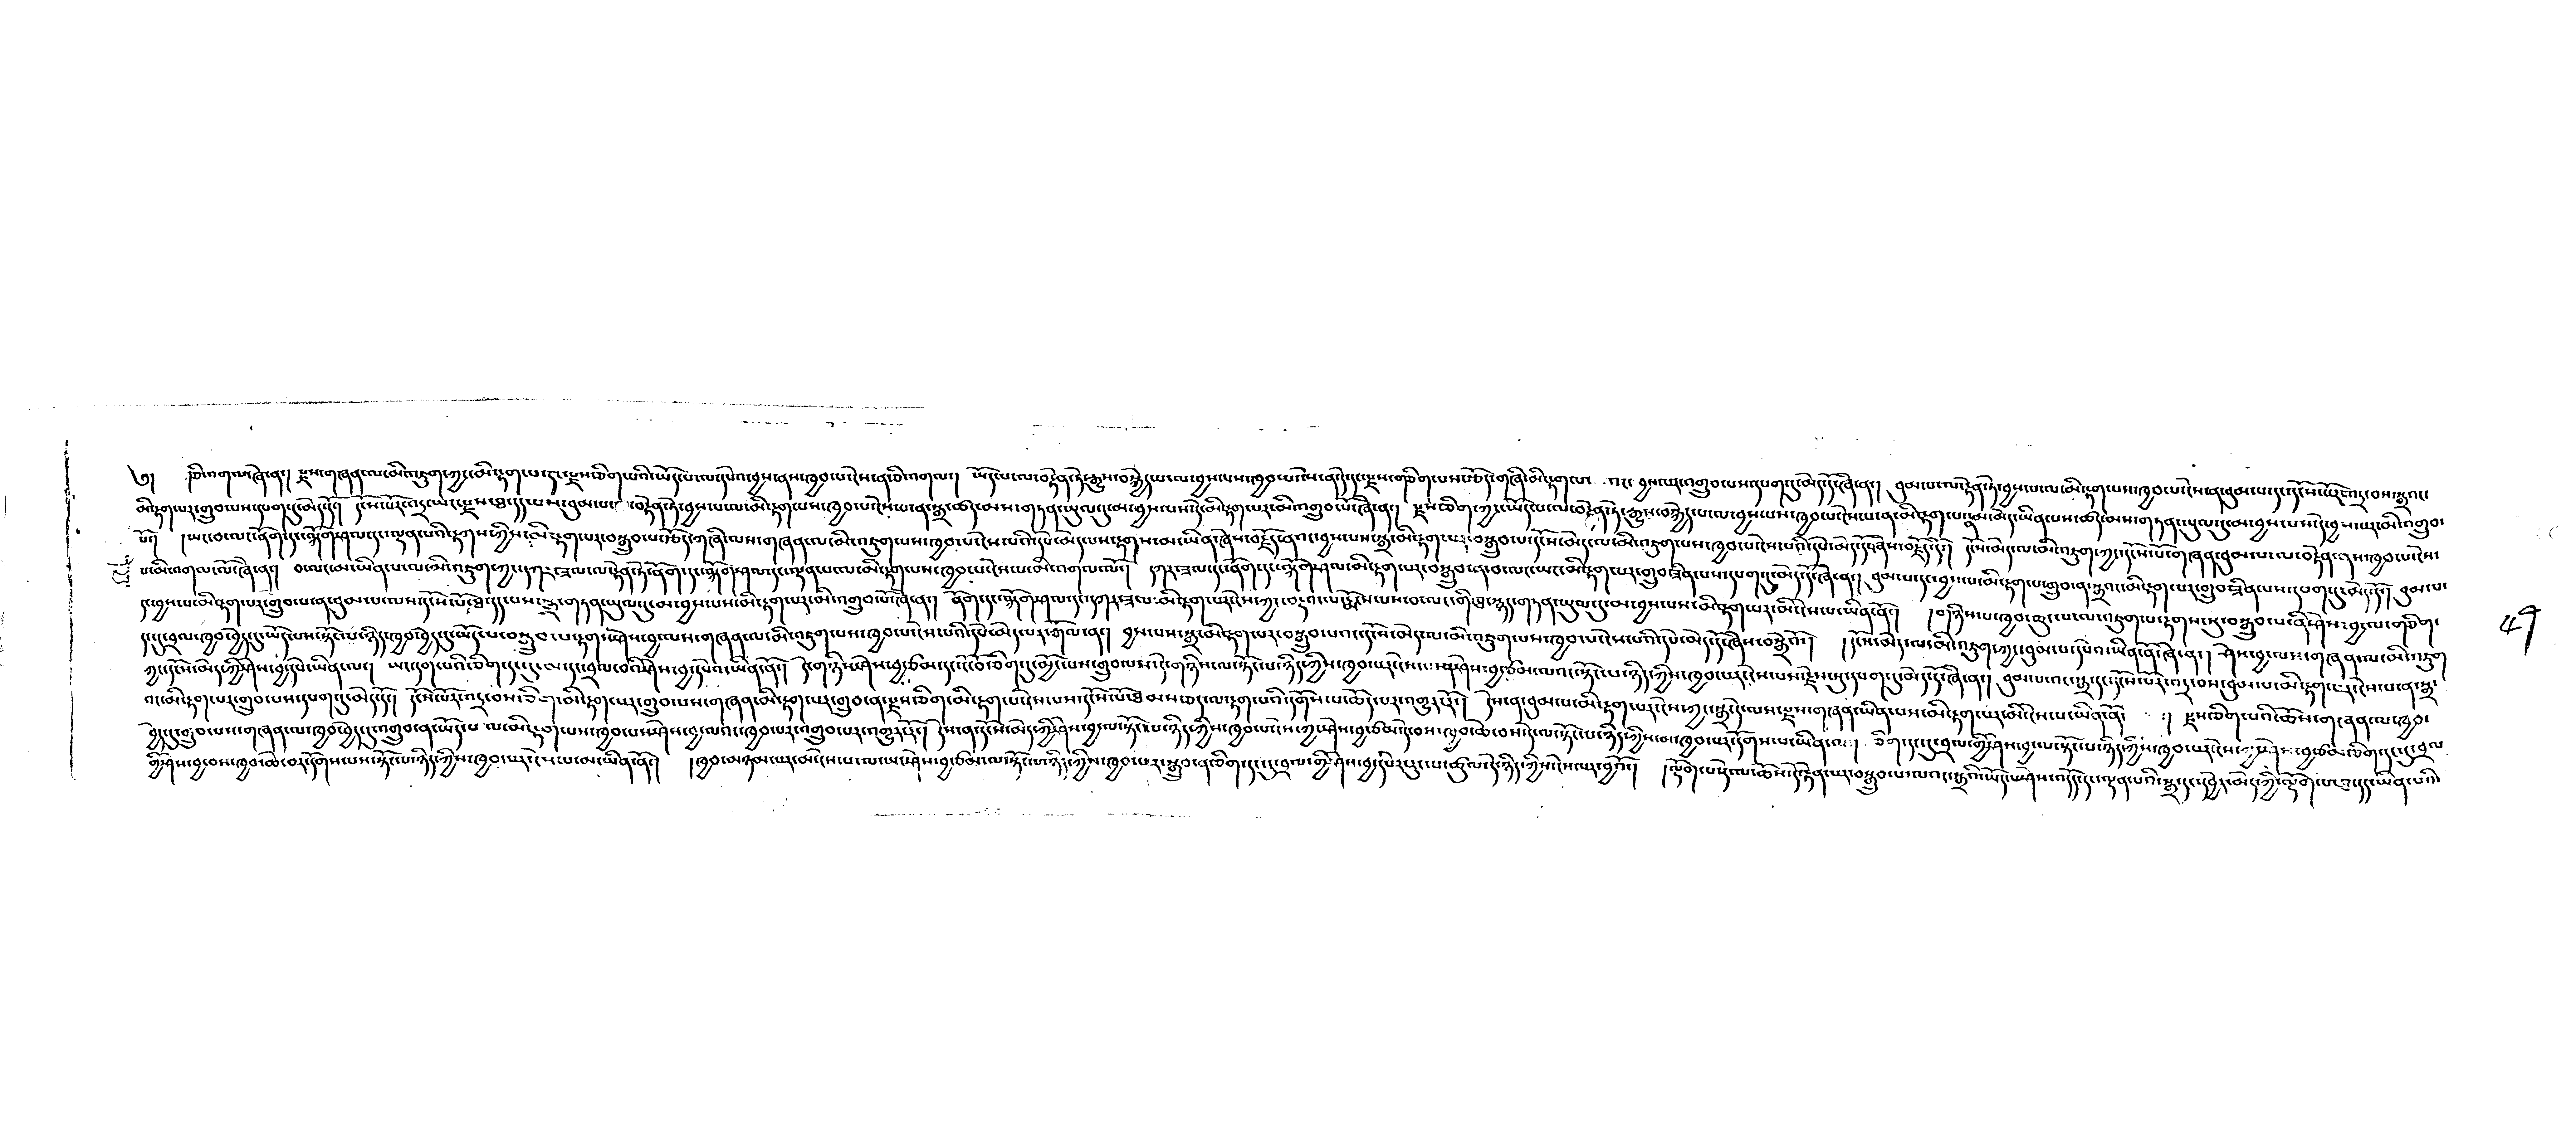༈། །ཅི་འགལ་ཞེ་ན། རྫས་གཞན་ལ་མི་འཇུག་ཀྱང་མི་རྟག་པ་དང་རྫས་ཅིག་པའི་ཡོད་པ་ལ་དཔེའ་བྱས་ནས་ཁྱབ་པ་ངེས་ན་ཅི་འགལ། ཡོད་པ་ལ་བརྟེན་ཏེ་རྒྱུས་བསྐྱེད་པ་ལ་བྱས་པས་ཁྱབ་པ་ངེས་ན་དེ་དང་རྫས་གཅིག་པས་རྩོད་གཞི་མི་རྟག་པ་འང་བྱས་པར་འགྲུབ་པས་དཔག་དུ་མེད་དོ་ཞེ་ན། བུམ་པ་ལ་རྟེན་ཏེ་བྱས་པ་ལ་མི་རྟག་པས་ཁྱབ་པ་ངེས་ན་བུམ་པ་དང་དངོས་པོར་འདྲ་བས་སྒྲའང་
མི་རྟག་པར་གྲུབ་པས་དཔག་དུ་མེད་དོ། དངོས་པོར་འདྲ་ཡང་རྫས་ཐ་དད་པས་བུམ་པ་བརྟེན་ཏེ་བྱས་པ་ལ་མི་རྟག་པས་ཁྱབ་པ་ངེས་པ་ན་སྒྲ་ཚད་མས་གཏན་ཡུལ་དུ་མ་བྱས་པས་དེ་མི་རྟག་པར་མི་འགྲུབ་པོ་ཞེ་ན། རྫས་ཅིག་ཀྱང་ཡོད་པ་ལ་བརྟེན་ཏེ་རྒྱུས་བསྐྱེད་པ་ལ་བྱས་པས་ཁྱབ་པ་ངེས་པ་ན་མི་རྟག་པ་རྣམ་མེད་ཡིན་པས་ཚད་མས་གཏན་ཡུལ་དུ་མ་བྱས་པས་དེ་བྱས་པར་མི་འགྲུབ་
པོ། །ཡང་བ་ལང་ནོག་དང་ལྐོག་ཤལ་དང་ལྡན་པའི་རྟགས་ཀྱིས་མི་རྟག་པར་བསྒྲུབ་པ་རྩོད་གཞི་ལས་གཞན་ལ་མི་འཇུག་པས་ཁྱབ་པ་ངེས་པའི་དཔེ་མེད་པས་རྟགས་མ་ཡིན་ཞེས་བརྗོད་ནའང་བྱས་པས་སྒྲ་མི་རྟག་པར་བསྒྲུབ་པ་དངོས་མེད་ལ་མི་འཇུག་པས་ཁྱབ་པ་ངེས་པའི་དཔེ་མེད་དོ་ཞེས་བརྗོད་དོ། དངོས་མེད་ལ་མི་འཇུག་ཀྱང་དངོས་པོ་གཞན་བུམ་པ་ལ་བརྟེན་ནས་ཁྱབ་པ་ངེས་
པ་མི་འགལ་ལོ་ཞེ་ན། བ་ལང་མ་ཡིན་པ་ལ་མི་འཇུག་ཀྱང་དཀར་ཟལ་ལ་རྟེན་ཏེ་ནོག་དང་ལྐོག་ཤལ་དང་ལྡན་པ་ལ་མི་རྟག་པས་ཁྱབ་པ་ངེས་པ་མི་འགལ་ལོ། དཀར་ཟལ་དང་ནོག་དང་ལྐོག་ཤལ་མི་རྟག་པར་བསྒྲུབ་ན་བ་ལང་ཡང་མི་རྟག་པར་གྲུབ་ཟིན་པས་དཔག་དུ་མེད་དོ་ཞེ་ན། བུམ་པ་དང་བྱས་པ་མི་རྟག་པ་གྲུབ་ན་སྒྲའང་མི་རྟག་པར་གྲུབ་ཟིན་པས་དཔག་དུ་མེད་དོ། བུམ་པ་
དང་བྱས་པ་མི་རྟག་པར་གྲུབ་པ་ན་བུམ་པ་ལས་དངོས་པོ་ཐ་དད་པས་སྒྲ་གཏན་ཡུལ་དུ་མ་བྱས་པས་མི་རྟག་པར་མི་འགྲུབ་པོ་ཞེ་ན། ནོག་དང་ལྐོག་ཤལ་དང་དཀར་ཟལ་མི་རྟག་པར་ངེས་ཀྱང་བརྡའ་ལ་རྨོངས་པས་བ་ལང་གི་ཐ་སྙད་གཏན་ཡུལ་དུ་མ་བྱས་པས་མི་རྟག་པར་མི་ངེས་པ་ཡིན་ནོ། །གཉིས་པ་ཁྱབ་ཆུང་པ་ལ་འཇུག་པ་རྟགས་སུ་བསྒྲུབ་པ་ནི་ཤེས་བྱ་ལ་གཅིག་
དང་དུ་བྲལ་ཁྱབ་བྱེད་དུ་ཡོད་པས་སྟོང་པ་ཉིད་ཁྱབ་བྱེད་དུ་ཡོད་པ་བསྒྲུབ་པ་རྟགས་ཤེས་བྱ་ལས་གཞན་ལ་མི་འཇུག་པས་ཁྱབ་པ་ངེས་པའི་དཔེ་མེད་པར་རྒོལ་ན། བྱས་པས་སྒྲ་མི་རྟག་པར་བསྒྲུབ་པའང་དངོས་མེད་ལ་མི་འཇུག་པས་ཁྱབ་པ་ངེས་པའི་དཔེ་མེད་དོ་ཞེས་བསྒྲེའོ། །དངོས་མེད་ལ་མི་འཇུག་ཀྱང་བུམ་པ་དཔེའ་ཡིན་ནོ་ཞེ་ན། ཤེས་བྱ་ལས་གཞན་ལ་མི་འཇུག་
ཀྱང་དངོས་མེད་ཀྱི་ཤེས་བྱ་དཔེ་ཡིན་ལ། ཡང་དག་པའི་ཅིག་དང་དུ་མ་དང་བྲལ་བའི་ཤེས་བྱ་དཔེའ་ཡིན་ནོ། དེ་གཉིས་ཤེས་བྱ་ཙམ་དང་ངོ་བོ་ཅིག་དུ་མྱོང་པས་གྲུབ་པས་དེ་གཉིས་ལ་སྟོང་པ་ཉིད་ཀྱིས་ཁྱབ་པར་ངེས་པ་ན་ཤེས་བྱ་ཙམ་ལའང་སྟོང་པ་ཉིད་ཀྱིས་ཁྱབ་པར་ངེས་པས་རྗེས་སུ་དཔག་དུ་མེད་དོ་ཞེ་ན། བུམ་པ་འང་སྒྲ་དང་དངོས་པོར་འདྲ་བས་བུམ་པ་མི་རྟག་པར་ངེས་པ་ན་སྒྲ་
འང་མི་རྟག་པར་གྲུབ་པས་དཔག་དུ་མེད་དོ། དངོས་པོར་འདྲ་བས་ཅིག་མི་རྟག་པར་གྲུབ་པས་གཞན་མི་རྟག་པར་གྲུབ་ན་རྫས་ཅིག་མི་རྟག་པ་ངེས་པས་དངོས་པོ་ཐམས་ཅད་ལ་རྟག་པའི་དགོས་པ་ཆོད་པར་འགྱུར་རོ། དེས་ན་བུམ་པ་མི་རྟག་པར་ངེས་ཀྱང་སྒྲ་དེ་ལས་རྫས་གཞན་ཡིན་པས་མི་རྟག་པར་མི་ངེས་པ་ཡིན་ནོ། །རྫས་ཅིག་པའི་ཆོས་གཞན་ལ་ཁྱབ་
བྱེད་དུ་གྲུབ་པས་གཞན་ལ་ཁྱབ་བྱེད་དུ་འགྲུབ་ན་ཡོད་པ་ལ་མི་རྟག་པས་ཁྱབ་པས་ཤེས་བྱ་ལའང་ཁྱབ་པར་འགྲུབ་པར་འགྱུར་རོ། དེས་ན་དངོས་མེད་ཀྱི་ཤེས་བྱ་ལ་སྟོང་པ་ཉིད་ཀྱིས་ཁྱབ་པ་ངེས་ཀྱང་ཤེས་བྱ་ཙམ་དེ་བས་ཁྱབ་ཆེ་བས་དེ་ལ་སྟོང་པ་ཉིད་ཀྱིས་མ་ཁྱབ་པར་དོགས་པ་ཡིན་ལ། ཅིག་དང་དུ་བྲལ་གྱི་ཤེས་བྱ་ལ་སྟོང་པ་ཉིད་ཀྱིས་ཁྱབ་པར་ངེས་ཀྱང་ཤེས་བྱ་ཙམ་ཅིག་དང་དུ་བྲལ་
གྱི་ཤེས་བྱ་བས་ཁྱབ་ཆེ་བར་དོགས་པས་སྟོང་པ་ཉིད་ཀྱིས་ཁྱབ་པར་ངེས་པ་མ་ཡིན་ནོ། །ཁྱབ་མཉམ་པར་མ་ངེས་པ་ལ་ཡང་ཤེས་བྱ་ཙམ་ལ་སྟོང་པ་ཉིད་ཀྱིས་ཁྱབ་པར་སྒྲུབ་ན་ཅིག་དང་དུ་བྲལ་གྱི་ཤེས་བྱ་དཔེར་རུང་པ་ཚུལ་དེ་ཉིད་ཀྱིས་ངེས་པར་བྱའོ། །ལྡོག་པ་དེ་ལ་ཆོས་དེ་རྟེན་པར་བསྒྲུབ་པ་ལའང་སྒྲའི་ཡོད་པ་ཤེས་འདོད་དང་ལྡན་པའི་སྒྲ་དང་དབྱེད་མེད་ཀྱི་ལྡོག་པ་ཐ་དད་ཡིན་པའི་